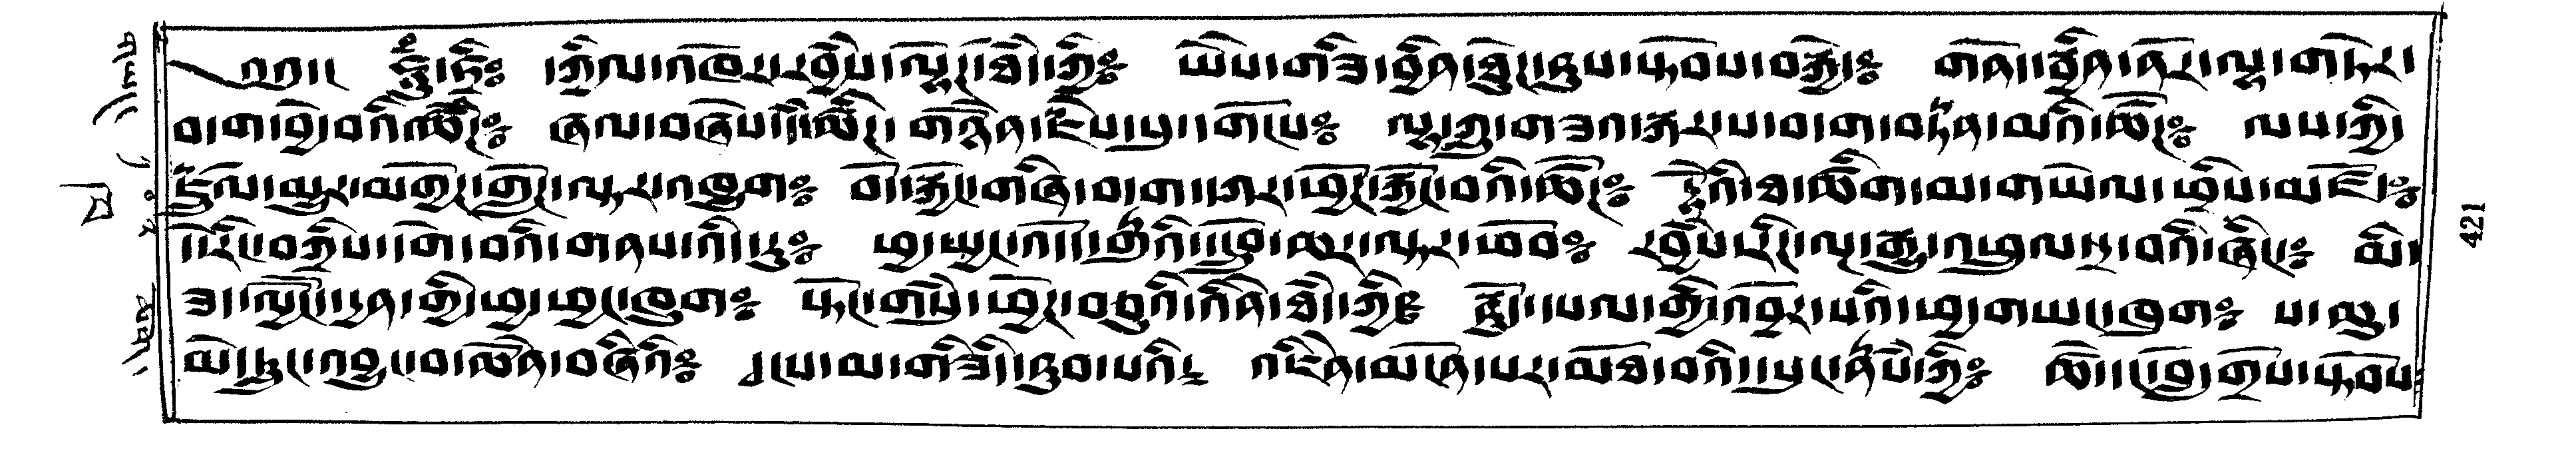ཧཱུྃ་ཧྲཱིཿ དཀྱིལ་འཁོར་རབ་འབྱམས་ལྷ་ཚོགས་ཐམས་ཅད་ཀྱི༔ ཡེ་ཤེས་གཟི་བྱིན་ཐུགས་རྗེ་ནུས་སྟོབས་སྐྱེད༔ གནོད་སྦྱིན་ནོར་ལྷ་གཏེར་
བདག་བྱེ་བའི་ཚོགས༔ ཞལ་བཞེས་དམ་ཚིག་གཉེན་པོ་རྗེས་སུ་དགོངས༔ ལྷ་ཀླུ་གཟའ་སྐར་ས་བདག་བརྟན་མའི་ཚོགས༔ ལས་ཀྱི་
རྫུ་འཕྲུལ་མྱུར་མགྱོགས་གློག་ལྟར་འཁྱུག༔ བོད་སྐྱོང་གཞི་བདག་དཀར་ཕྱོགས་སྐྱོང་བའི་ཚོགས༔ རྡོ་རྗེའི་ཐ་ཚིག་མ་གཡེལ་ཕྲིན་ལས་མཛོད༔ 
དེ་རིང་བཀྲ་ཤིས་དགེ་བའི་གནས་འདི་རུ༔ ཕྱ་གཡང་འདོད་རྒུའི་དངོས་གྲུབ་ཆར་ལྟར་ཕོབ༔ རབ་འབྱམས་རིགས་ལྔ་སྒྱུ་འཕྲུལ་དྲ་བའི་ཞིང༔ མི་
ཟད་ལོངས་སྤྱོད་རྒྱན་གྱི་ཕྱྭ་གཡང་ཁུག༔ སྟོང་གསུམ་ཕྱོགས་བཅུའི་འཇིག་རྟེན་ཐམས་ཅད་ཀྱི༔ སྣོད་བཅུད་དཔལ་གྱི་འབྱོར་པའི་ཕྱ་གཡང་ཁུག༔ ས་ཆུ་
མེ་རླུང་འབྱུང་བ་ཆེན་པོ་བཞིའི༔ དྭངས་མ་གཟི་བརྗིད་ནུས་པའི༴ འཇིག་རྟེན་མངོན་པར་མཐོ་བའི་དཔུང་རྣམས་ཀྱི༔ ཚེ་དང་བློ་གྲོས་སྟོབས་